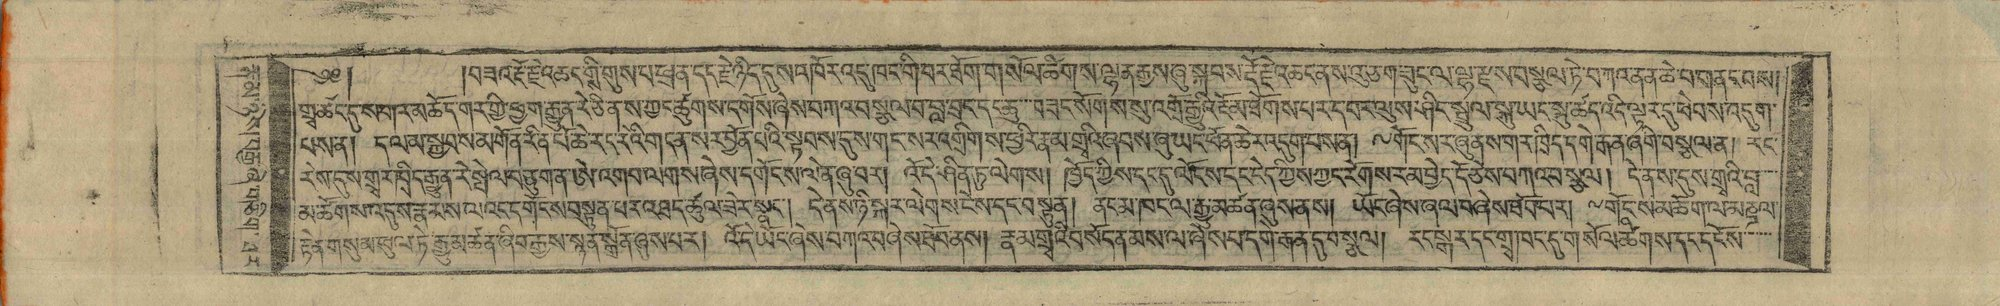༄༅། །བཟའ་རྡོ་རྗེ་འཆང་གིས་གུས་པ་ཕྲན་དང་རྗེ་ཉིད་དུས་འཁོར་འདུ་ཁང་གི་བར་ཐོག་གསོལ་ཚིགས་ལྷན་རྒྱས་ཞུ་སྐབས་རྡོ་རྗེ་འཆང་ནས་འུ་ཅག་ཟུང་ལ་ལྷ་རྫས་བསྩལ་ཏེ་བཀའ་ནན་ཆེ་བ་གནང་བས།
གྲྭ་ཚང་དུས་གར་མཆོད་གར་གྱི་ཕྱག་རྒྱུན་རེ་ཅི་ནས་ཀྱང་ཚུགས་དགོས་ཞེས་བཀའ་བསྩལ་བ་བླ་བྲང་དང་ཆུ་བཟང་སོགས་སུ་འགྲོ་རྒྱུའི་རྔོམ་ཐོགས་པར་ད་བར་ལུས་ཤིང་སྤྲུལ་སྐུ་ཡང་སྐུ་ཚད་འདི་ལྟར་དུ་ཕེབས་འདུག་
པས་ན། ད་ལམ་སྐྱབས་མགོན་རིན་པོ་ཆེ་རང་རེའི་གདན་སར་བྱོན་པའི་སྟབས་དུས་གང་སར་འགྲིགས་ཕྱིར་རྣམ་གྲྭའི་ཞབས་ཞུ་ཡང་ཕོན་ཆེར་འདུག་པས་ན། ༧གོང་སར་ཞུ་ནས་གར་ཁྲིད་དགེ་རྒན་ཞིག་བསྩལ་ན། རང་
རེས་དུས་གྲྭར་ཁྲིད་རྒྱུན་རེ་སྤེལ་བཅུག་ན་ཨེ་འགབ་ལགས་ཞེས་དགོངས་ལེན་ཞུ་བར། འོ་དེ་ཤིན་ཏུ་ལེགས། ཁྱོད་ཀྱིས་དང་དུ་ལོངས་དང་ངེད་ཀྱིས་ཀྱང་རོགས་རམ་བྱེད་དོ་ཅེས་བཀའ་བསྩལ། དེ་ནས་དུས་གྲྭའི་བླ་
མ་ཚོགས་འདུས་རྣམས་ལའང་དགོངས་བསྟུན་པར་འཐད་ཚུལ་ཟེར་སྣང་། དེ་ནས་ཉི་སྐར་ལེགས་ངེས་དང་བསྟུན། ནང་མ་ཁང་ལ་རྒྱུ་མཚན་ཞུས་ནས། ཡོང་ཞེས་ཞལ་བཞེས་ཐོབ་པར། ༧གོང་ས་མཆོག་ལ་མཎྜལ་
རྟེན་གསུམ་ཕུལ་ཏེ་རྒྱུ་མཚན་ཞིབ་རྒྱས་སྙན་སྒྲོན་ཞུས་པར། འོ་དེ་ཡོང་ཞེས་བཀའ་བཞེས་ཐོབ་ནས། རྣམ་གྲྭའི་བསོད་ནམས་ལ་ཞེས་པ་དགེ་རྒན་དུ་བསྩལ། རང་སྒར་དང་གྲྭ་ཁང་དུ་གསོལ་ཚིགས་དང་དངོས་